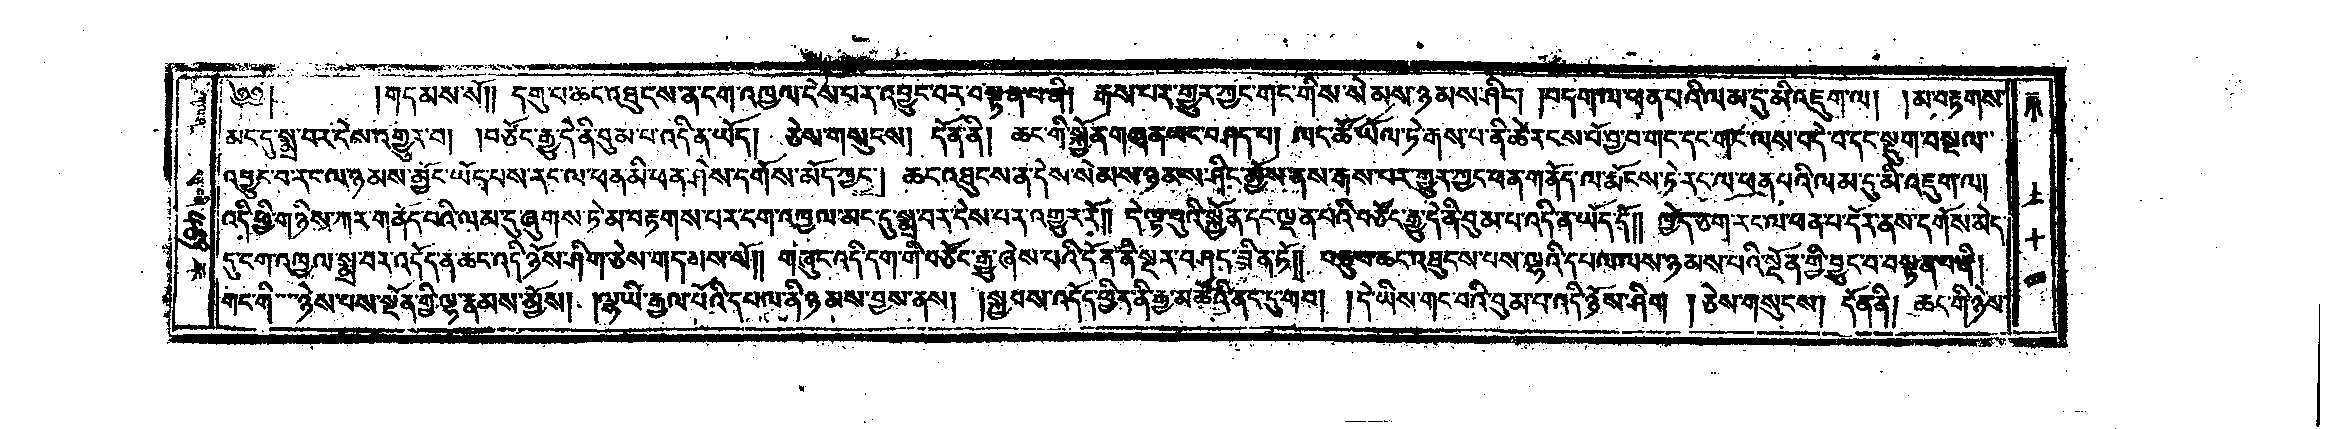༄༅། །གདམས་སོ།། དགུ་པ་ཆང་འཐུངས་ན་ངག་འཁྱལ་ངེས་པར་འབྱུང་བར་བསྟན་པ་ནི། རྒས་པར་གྱུར་ཀྱང་གང་གིས་སེམས་ཉམས་ཤིང་། །བདག་ལ་ཕན་པའི་ལམ་དུ་མི་འཇུག་ལ། །མ་བརྟགས་
མང་དུ་སྨྲ་བར་ངེས་འགྱུར་བ། །བཙོང་རྒྱུ་དེ་ནི་བུམ་པ་འདི་ན་ཡོད། ཅེས་གསུངས། དོན་ནི། ཆང་གི་སྐྱོན་གཞན་ཡང་བཤད་པ། ལང་ཚོ་ཡོལ་ཏེ་རྒས་པ་ནི་ཚེ་རངས་པོ་བྱ་བ་གང་དང་གང་ལས་བདེ་བ་དང་སྡུག་བསྔལ་
འབྱུང་བ་རང་ལ་ཉམས་མྱོང་ཡོད་པས་རང་ལ་ཕན་མི་ཕན་ཤེས་དགོས་མོད་ཀྱང་། ཆང་འཐུངས་ན་དེས་སེམས་ཉམས་ཤིང་མྱོས་ནས་རྒས་པར་གྱུར་ཀྱང་ཕན་གནོད་ལ་རྨོངས་ཏེ་རང་ལ་ཕན་པའི་ལམ་དུ་མི་འཇུག་ལ།
འདི་ཕྱི་གཉིས་ཀར་གནོད་པའི་ལམ་དུ་ཞུགས་ཏེ་མ་བརྟགས་པར་ངག་འཁྱལ་མང་དུ་སྨྲ་བར་ངེས་པར་འགྱུར་རོ།། དེ་ལྟ་བུའི་སྐྱོན་དང་ལྡན་པའི་བཙོང་རྒྱུ་དེ་ནི་བུམ་པ་འདི་ན་ཡོད་དོ།། ཁྱེད་ཅག་རང་ལ་ཕན་པ་དོར་ནས་དགོས་མེད་
དུ་ངག་འཁྱལ་སྨྲ་བར་འདོད་ན་ཆང་འདི་ཉོས་ཤིག་ཅེས་གདམས་སོ།། གཞུང་འདི་དག་གི་བཙོང་རྒྱུ་ཞེས་པའི་དོན་ནི་སྔར་བཤད་ཟིན་ཏོ།། བཅུ་པ་ཆང་འཐུངས་པས་ལྷའི་དཔལ་ལས་ཉམས་པའི་སྔོན་གྱི་བྱུང་བ་བསྟན་པ་ནི།
གང་གི་ཉེས་པས་སྔོན་གྱི་ལྷ་རྣམས་མྱོས། །ལྷ་ཡི་རྒྱལ་པོའི་དཔལ་ནི་ཉམས་བྱས་ནས། །སྐྱབས་འདོད་ཕྱིར་ནི་རྒྱ་མཚོའི་ནང་དུ་གབ། །དེ་ཡིས་གང་བའི་བུམ་པ་འདི་ཉོས་ཤིག །ཅེས་གསུངས། དོན་ནི། ཆང་གི་ཉེས་